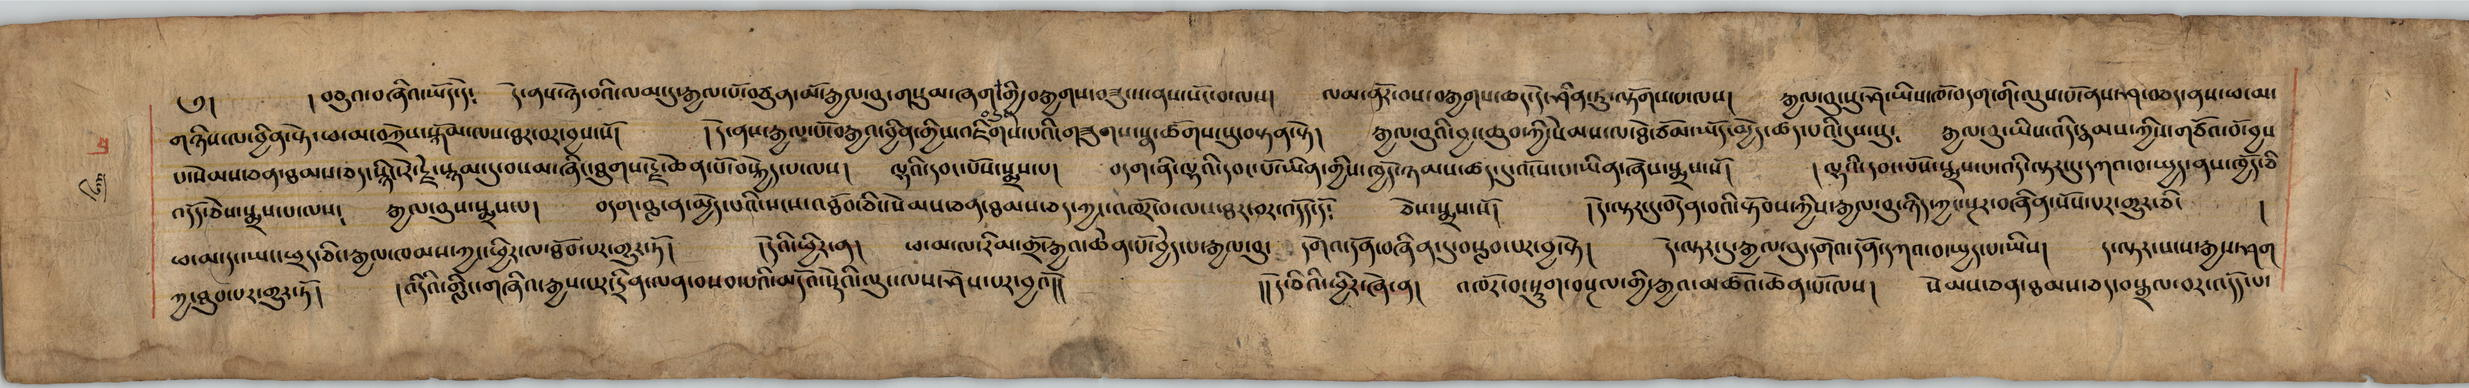༅། །བཅུའ་བཞིའ་ཡོད་དེ༴ དེ་ནས་ཉེ་བའི་ལམ་དུ་རྒྱལ་པོ་བཙུན་མོ་རྒྱལ་བུ་གསུམ་ཞག་གྱི་བརྒྱགས་བཟུངས་ནས་སོང་བ་ལས། ལམ་ནོར་བས་བརྒྱགས་ཆད་དེ་ཤིན་ཏུ་ལྟོགས་པ་ལས། རྒྱལ་བུ་སུ་ཤེ་ཡིས་ཁཽ་བདག་གི་ལུས་པོ་ནས་ཤ་བཅད་ནས་ཕ་མ་
གཉིས་ལ་བྱིན་སྟེ་ཕ་མ་བཀྲེས་སྐོམ་ལས་ཐར་བར་བྱས་སོ། ། དེ་ནས་རྒྱལ་པོ་བརྒྱའ་བྱིན་གྱིས་འཇིགས་པའི་གཟུགས་སྣ་ཚོགས་སུ་བསྟན་སྟེ། རྒྱལ་བའི་བྱང་ཆུབ་ཀྱི་སེམས་ལ་ཐེ་ཚོམ་ཡོད་མྱེད་ཚད་པའི་དུས་སུ༴ རྒྱལ་བུ་ཡིས་འདི་རྣམས་ཀྱིས་གཙོའ་བོ་བྱས
པ་སེམས་ཅན་ཐམས་ཅད་སྙིང་རེ་རྗེ་སྙམ་དུ་བསམ་ཞིང་ཐུགས་རྗེ་ཆེན་པོ་བསྐྱེད་པ་ལས། ལྷའི་དབང་པོས་སྨྲས་པ། བདག་ནི་ལྷའི་དབང་པོ་ཡིན་གྱིས་ཁྱེད་ཉམས་ཚད་དུ་འོངས་པ་ཡིན་ཞེས་སྨྲས་སོ། །ལྷའི་དབང་པོས་སྨྲས་པ་འདི་ལྟར་དུ་དཀའ་བ་སྤྱད་ནས་ཁྱོད་ཅི
འདོད་ཅེས་སྨྲས་པ་ལས༴ རྒྱལ་བུས་སྨྲས་པ། བདག་བླ་ན་མྱེད་པའི་སངས་འཐོབ་ཅིང་སེམས་ཅན་ཐམས་ཅད་ཀྱང་འཁོར་བ་ལས་ཐར་བར་འདོད་དོ༴ ཅེས་སྨྲས་སོ། །དེ་ལྟར་དུ་བདེན་བའི་སྟོབས་ཀྱིས་རྒྱལ་བུ་ཉིད་ཀྱང་སྔར་བཞིན་སོས་པར་གྱུར་ཅིང
ཕ་མ་དང་ཡང་ཕྲད་ཅིང་རྒྱལ་ཁམས་ཀྱང་ཕྱིར་ལ་ཐོབ་པར་གྱུར་ཏོ། །དེའི་ཕིུར་ན། ཕ་མ་ལ་རིམ་གྲོ་རྒྱའ་ཆེན་པོ་བྱེད་པ་རྷྱལ་བུ་ དགེའ་དོན་བཞིན་དུ་བསླབ་པར་བྱ་སྟེ། དེ་ལྟར་དུ་རྒྱལ་བུ་དགེའ་དོན་དཀའ་བ་སྤྱད་པ་ཡིས། ད་ལྟར་སངས་རྒྱས་ཤག
ཀྱ་ཐུབ་པར་གྱུར་ཏོ། །འདིའི་གླིང་གཞིའ་རྒྱས་པར་དྲིན་ལན་བསབ་པའི་མདོའ་སྡེའི་ལས་ཤེས་པར་བྱའོ།། །།དེ་ཅིའི་ཕྱིར་ཞེ་ན། འཁོར་བ་སྡུག་བསྔལ་གྱི་རྒྱལ་མཚོའ་ཆེན་པོ་ལས། སེམས་ཅན་ཐམས་ཅད་བསྒྲལ་བར་འདོད་པ་